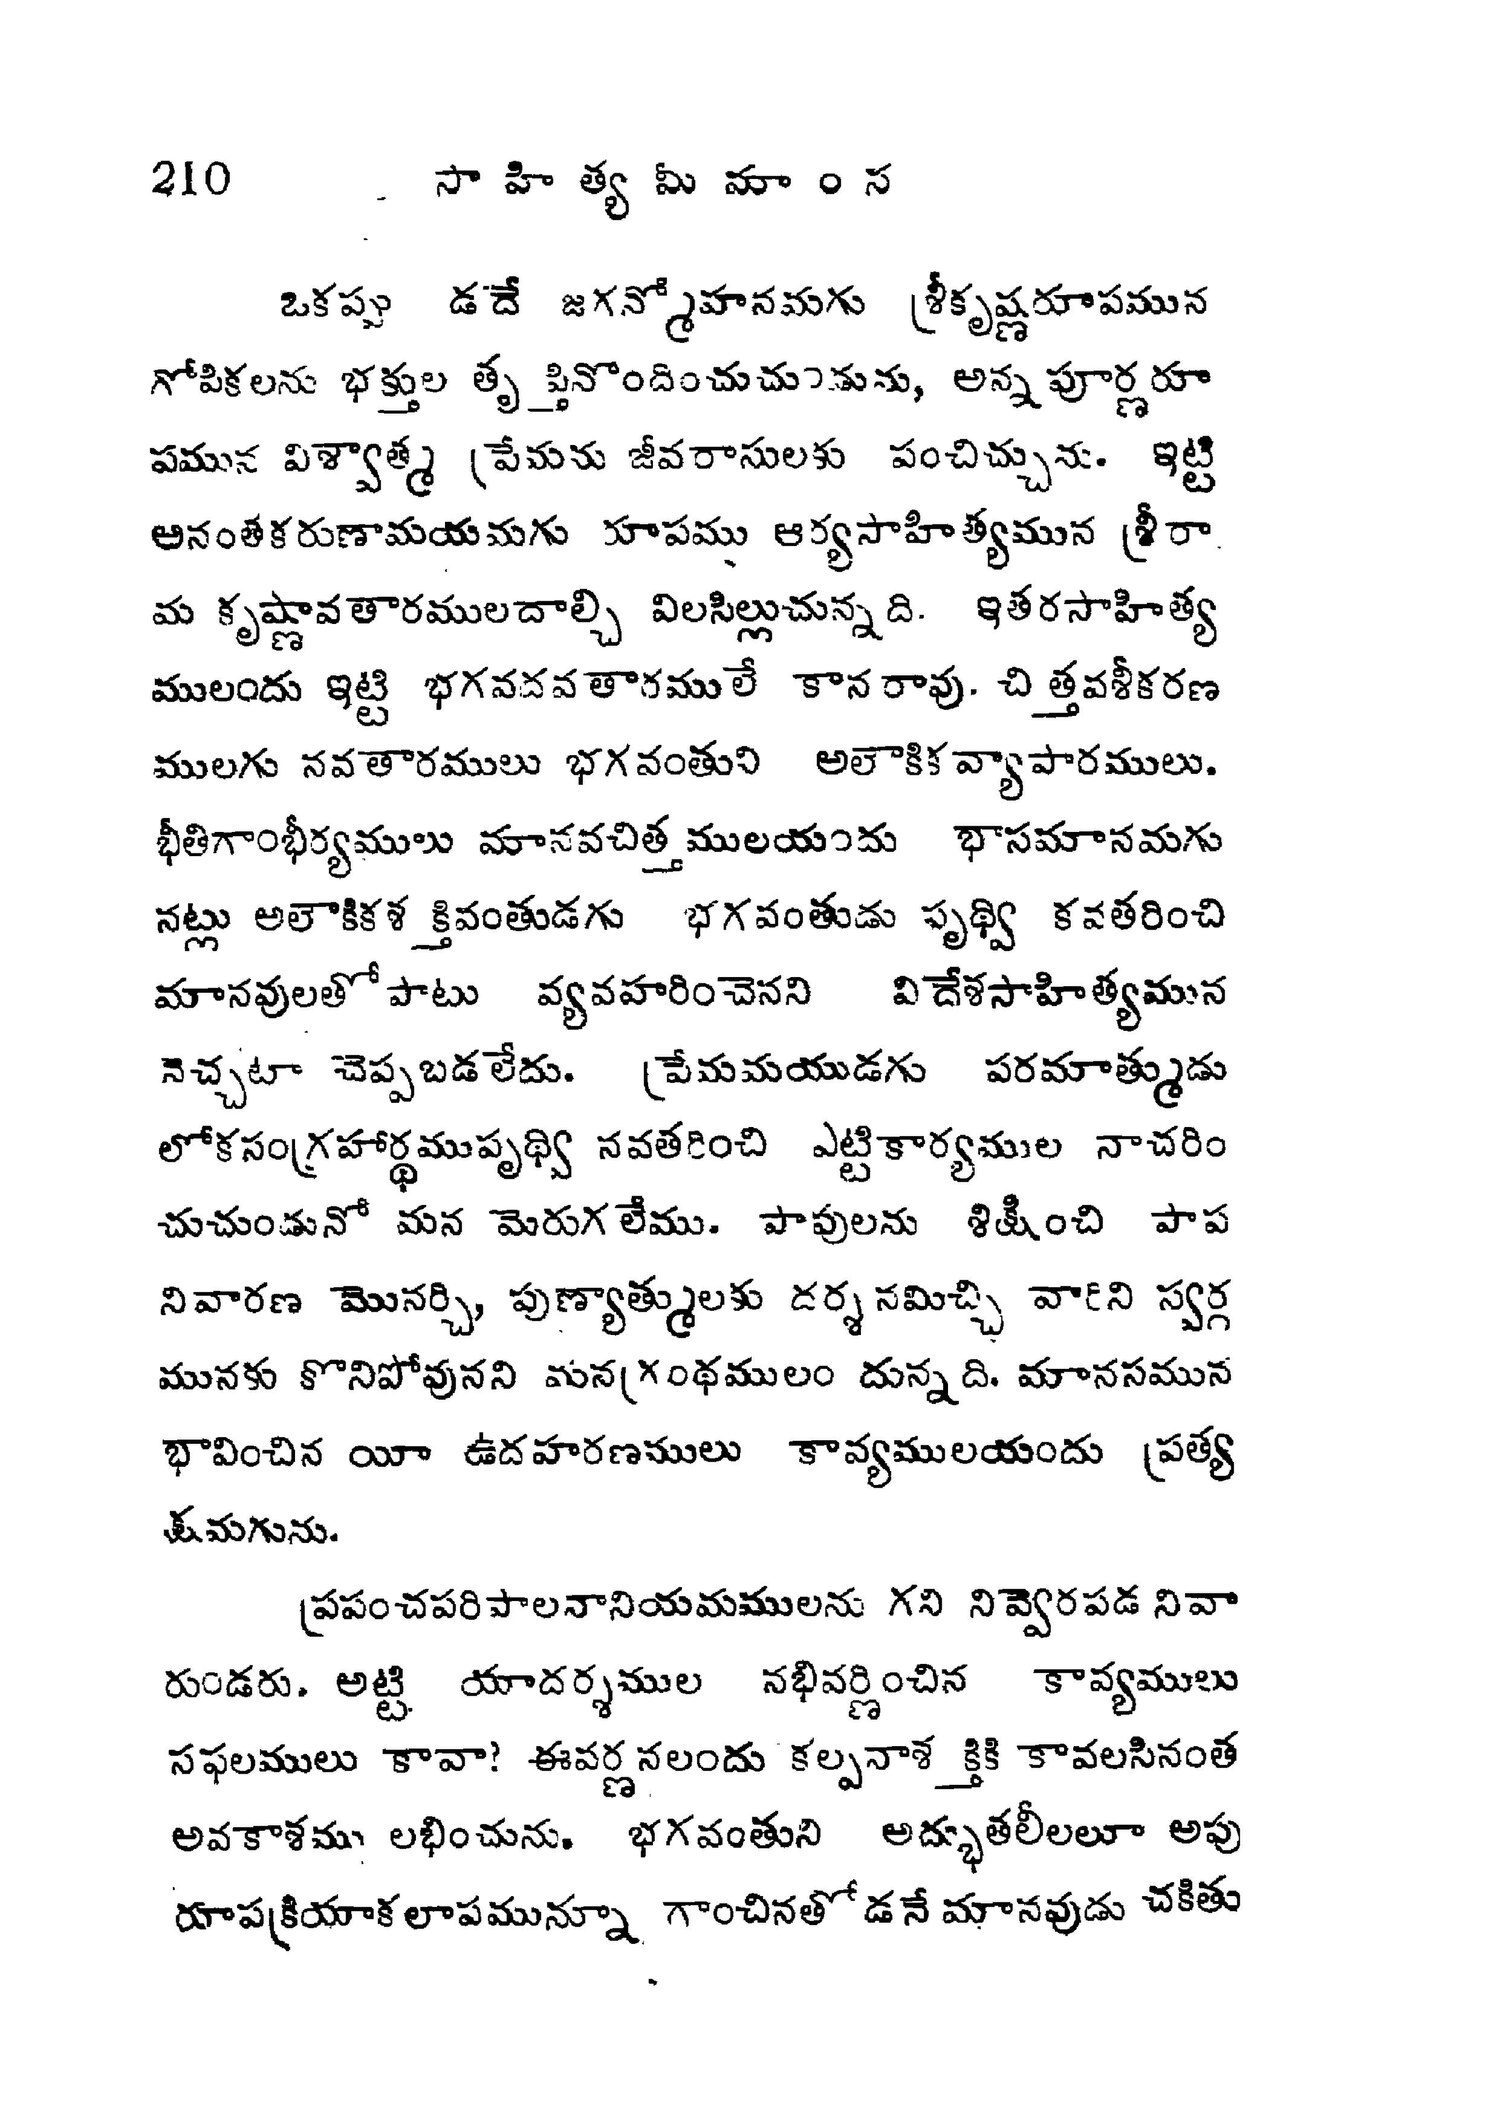ఒకప్పు డదే జగన్మోహనమగు శ్రీకృష్ణరూపమున గోపికలను భక్తుల తృప్తినొందించుచుండును, అన్నపూర్ణరూపమున విశ్వాత్మ ప్రేమను జీవరాసులకు పంచిచ్చును. ఇట్టి అనంతకరుణామయమగు రూపము ఆర్యసాహిత్యమున శ్రీరామ కృష్ణావతారములదాల్చి విలసిల్లుచున్నది. ఇతరసాహిత్యములందు ఇట్టి భగవదవతారములే కానరావు. చిత్తవశీకరణములగు నవతారములు భగవంతుని అలౌకికవ్యాపారములు. భీతిగాంభీర్యములు మానవచిత్తములయందు భాసమానమగు నట్లు అలౌకికశక్తివంతుడగు భగవంతుడు పృథ్వి కవతరించి మానవులతోపాటు వ్యవహరించెనని విదేశసాహిత్యమున నెచ్చటా చెప్పబడలేదు. ప్రేమమయుడగు పరమాత్ముడు లోకసంగ్రహార్థముపృథ్వీ నవతరించి ఎట్టికార్యముల నాచరించుచుండునో మన మెరుగలేము. పాపులను శిక్షించి పాప నివారణ మొనర్చి, పుణ్యాత్ములకు దర్శనమిచ్చి వారిని స్వర్గమునకు కొనిపోవునని మనగ్రంథములం దున్నది. మానసమున భావించిన యీ ఉదాహరణములు కావ్యములయందు ప్రత్యక్షమగును.

ప్రపంచపరిపాలనానియమములను గని నివ్వెరపడ నివారుండరు. అట్టి యాదర్శముల నభివర్ణించిన కావ్యములు సఫలములు కావా? ఈవర్ణనలందు కల్పనాశక్తికి కావలసినంత అవకాశము లభించును. భగవంతుని అద్భుతలీలలూ అపురూపక్రియాకలాపమున్నూ గాంచినతోడనేమానవుడు చకితు